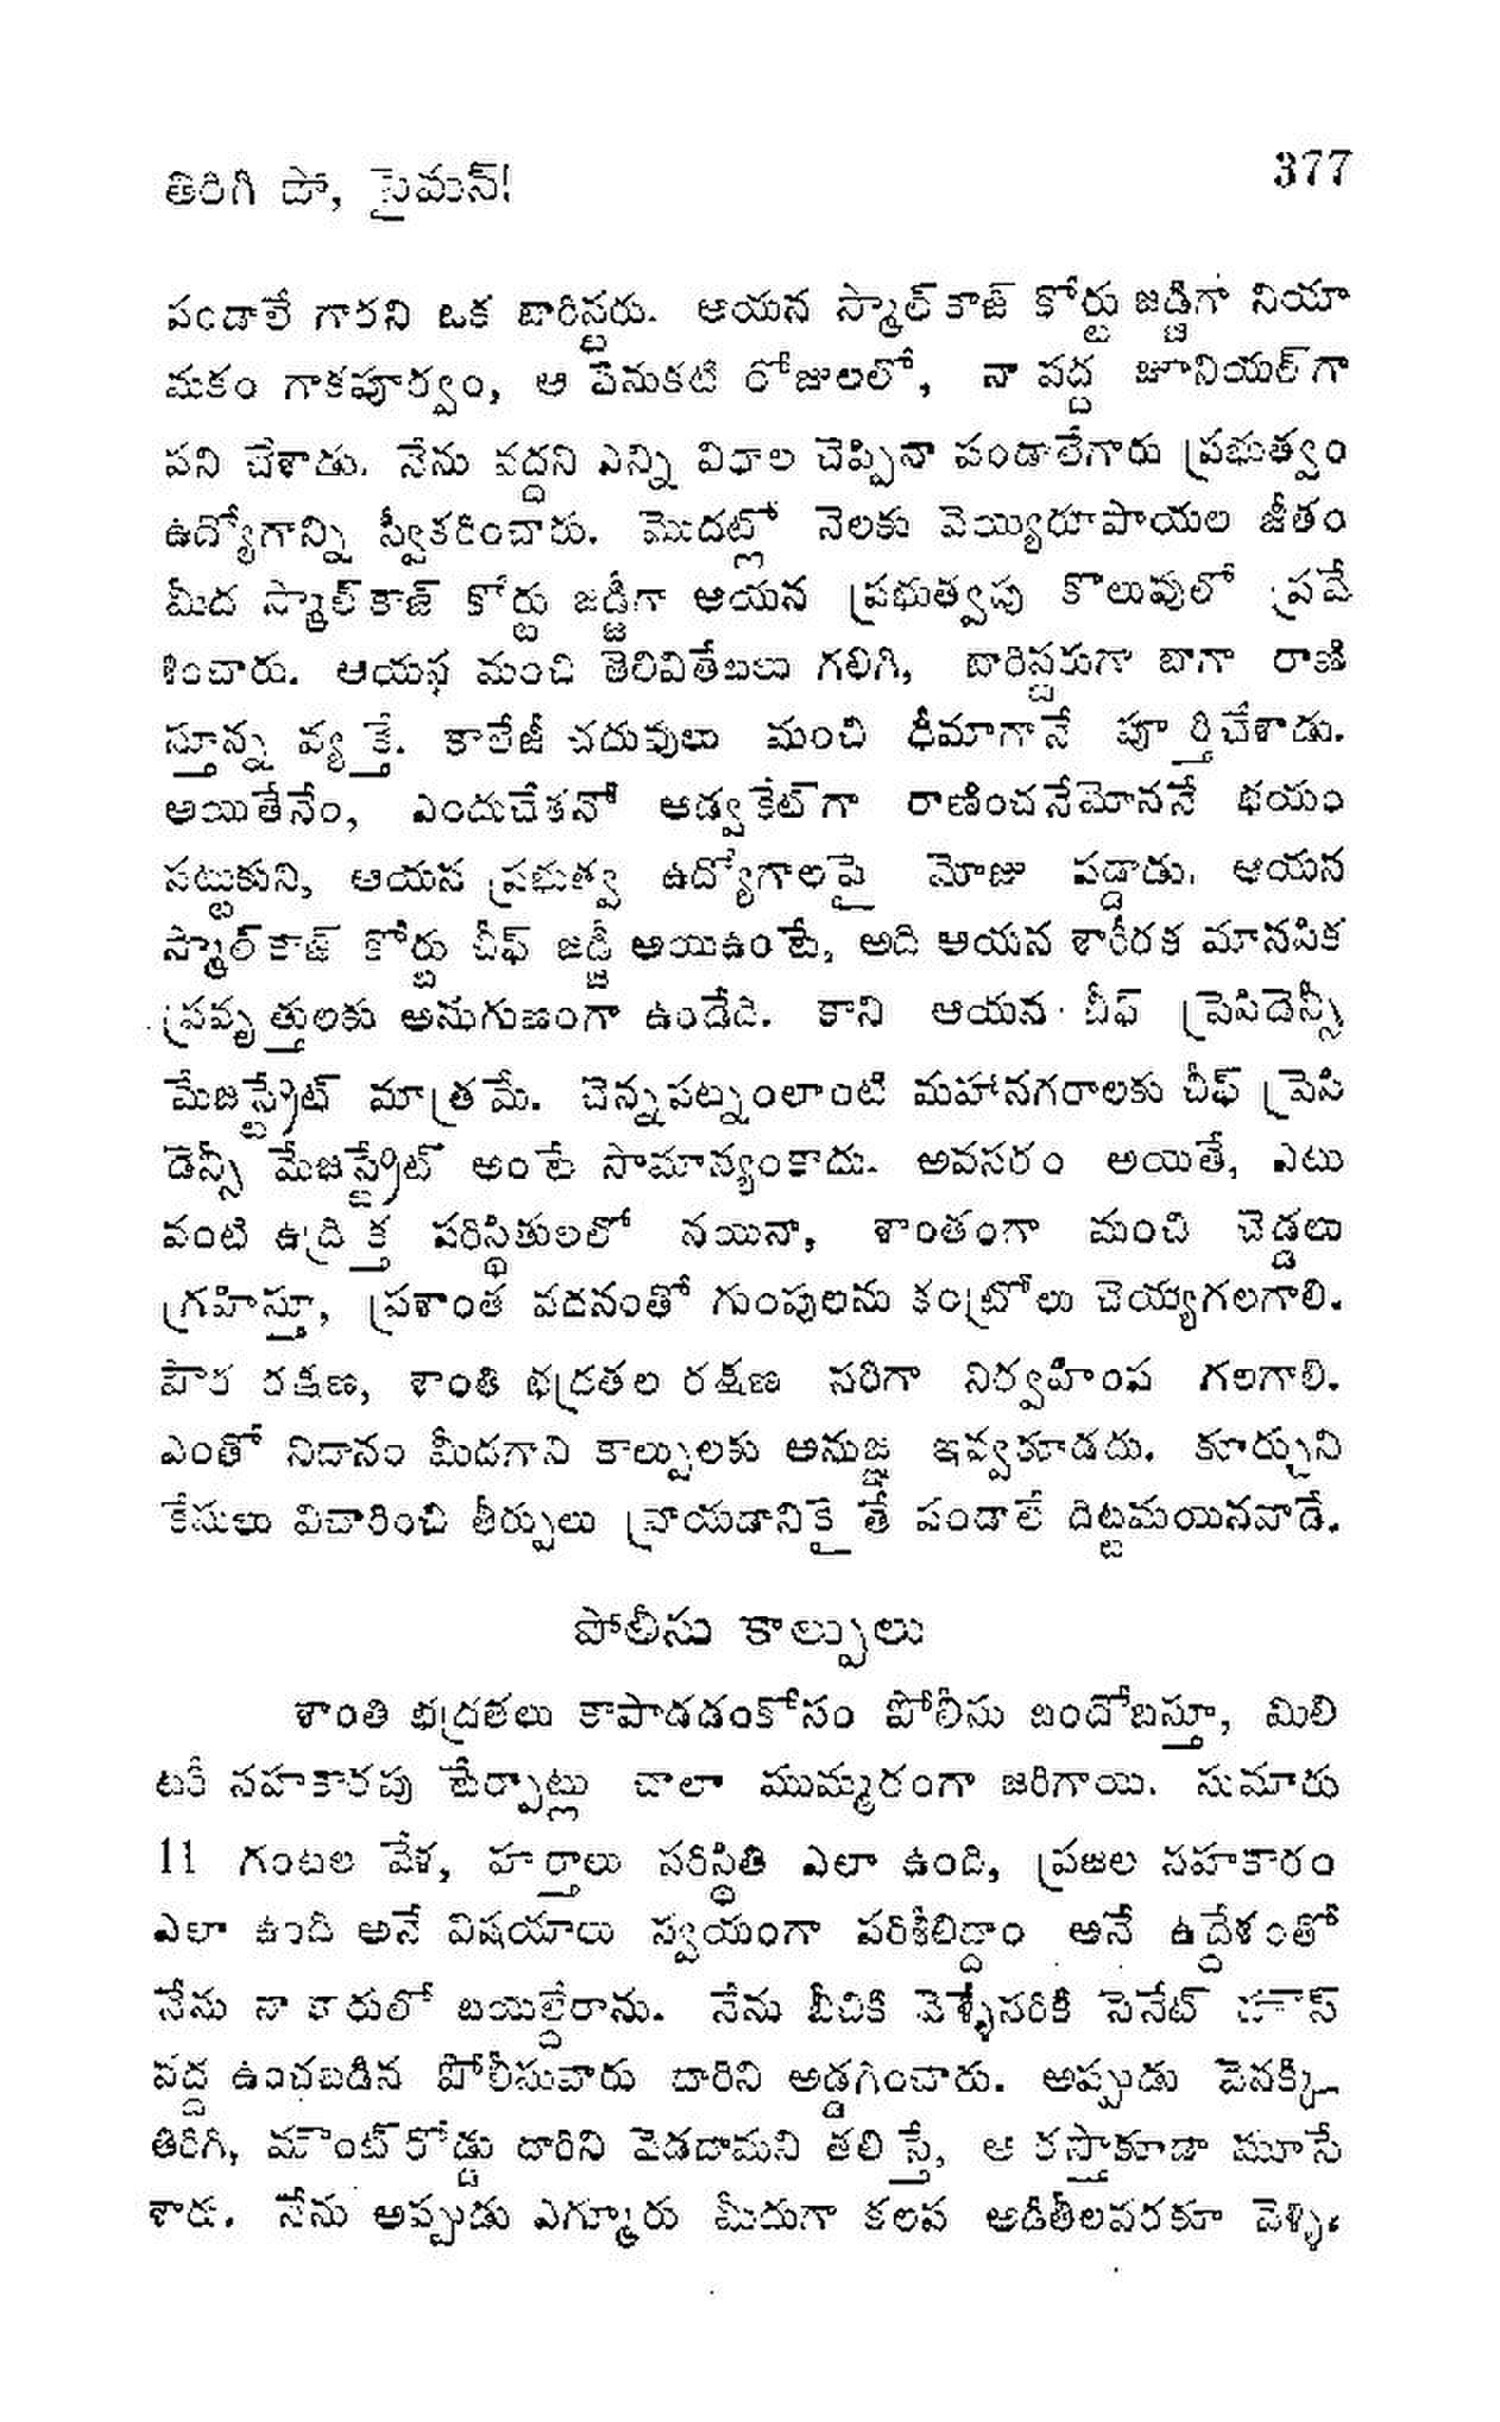పండాలే గారని ఒక బారిస్టరు. ఆయన స్మాల్‌కాజ్ కోర్టు జడ్జిగా నియామకం గాకపూర్వం, ఆ వెనుకటి రోజులలో, నా వద్ద జూనియర్‌గా పని చేశాడు. నేను వద్దని ఎన్ని విధాల చెప్పినా పండాలేగారు ప్రభుత్వం ఉద్యోగాన్ని స్వీకరించారు. మొదట్లో నెలకు వెయ్యిరూపాయల జీతం మీద స్మాల్‌కాజ్ కోర్టు జడ్జీగా ఆయన ప్రభుత్వపు కొలువులో ప్రవేశించారు. ఆయన మంచి తెలివి తేటలు గలిగి, బారిష్టరుగా బాగా రాణిస్తూన్న వ్యక్తే. కాలేజి చదువులు మంచి ధీమాగానే పూర్తిచేశాడు. అయితేనేం, ఎందుచేతనో అడ్వకేట్‌గా రాణించనేమో ననే భయం పట్టుకుని, ఆయన ప్రభుత్వ ఉద్యోగాలపై మోజు పడ్డాడు. ఆయన స్మాల్‌కాజ్ కోర్టు చీఫ్ జడ్జీ అయిఉంటే, అది ఆయన శారీరక మానసిక ప్రవృత్తులకు అనుగుణంగా ఉండేది. కాని ఆయన చీప్ ప్రెసిడెన్సీ మేజస్ట్రేటు మాత్రమే. చెన్నపట్నంలాంటి మహానగరాలకు చీప్ ప్రెసిడెన్సీ మేజస్ట్రేట్ అంటే సామాన్యంకాదు. అవసరం అయితే, ఎటువంటి ఉద్రిక్త పరిస్థితులలో నయినా, శాంతంగా మంచి చెడ్డలు గ్రహిస్తూ, ప్రశాంత వదనంతో గుంపులను కంట్రోలు చెయ్యగలగాలి. పౌర రక్షణ, శాంతి భద్రతల రక్షణ సరిగా నిర్వహింప గలగాలి. ఎంతో నిదానం మీదగాని కాల్పులకు అనుజ్ఞ ఇవ్వకూడదు. కూర్చుని కేసులు విచారించి తీర్పులు వ్రాయడానికైతే పండాలే దిట్టమయినవాడే.

శాంతి భద్రతలు కాపాడడంకోసం పోలీసు బందోబస్తూ, మిలిటరీ సహకారపు టేర్పాట్లు చాలా ముమ్మరంగా జరిగాయి. సుమారు 11 గంటల వేళ, హర్తాలు పరిస్థితి ఎలా ఉంది, ప్రజల సహకారం ఎలా ఉంది అనే విషయాలు స్వయంగా పరిశీలిద్దాం అనే ఉద్దేశంతో నేను నా కారులో బయల్దేరాను. నేను బీచికి వెళ్ళేసరికి సెనేట్ హౌస్ వద్ద ఉంచబడిన పోలీసువారు దారిని అడ్డగించారు. అప్పుడు వెనక్కి తిరిగి, మౌంట్‌రోడ్డు దారిని వెడదామని తలిస్తే, ఆ రస్తాకూడా మూసేశారు. నేను అప్పుడు ఎగ్మూరు మీదుగా కలప అడితీలవరకూ వెళ్ళి,